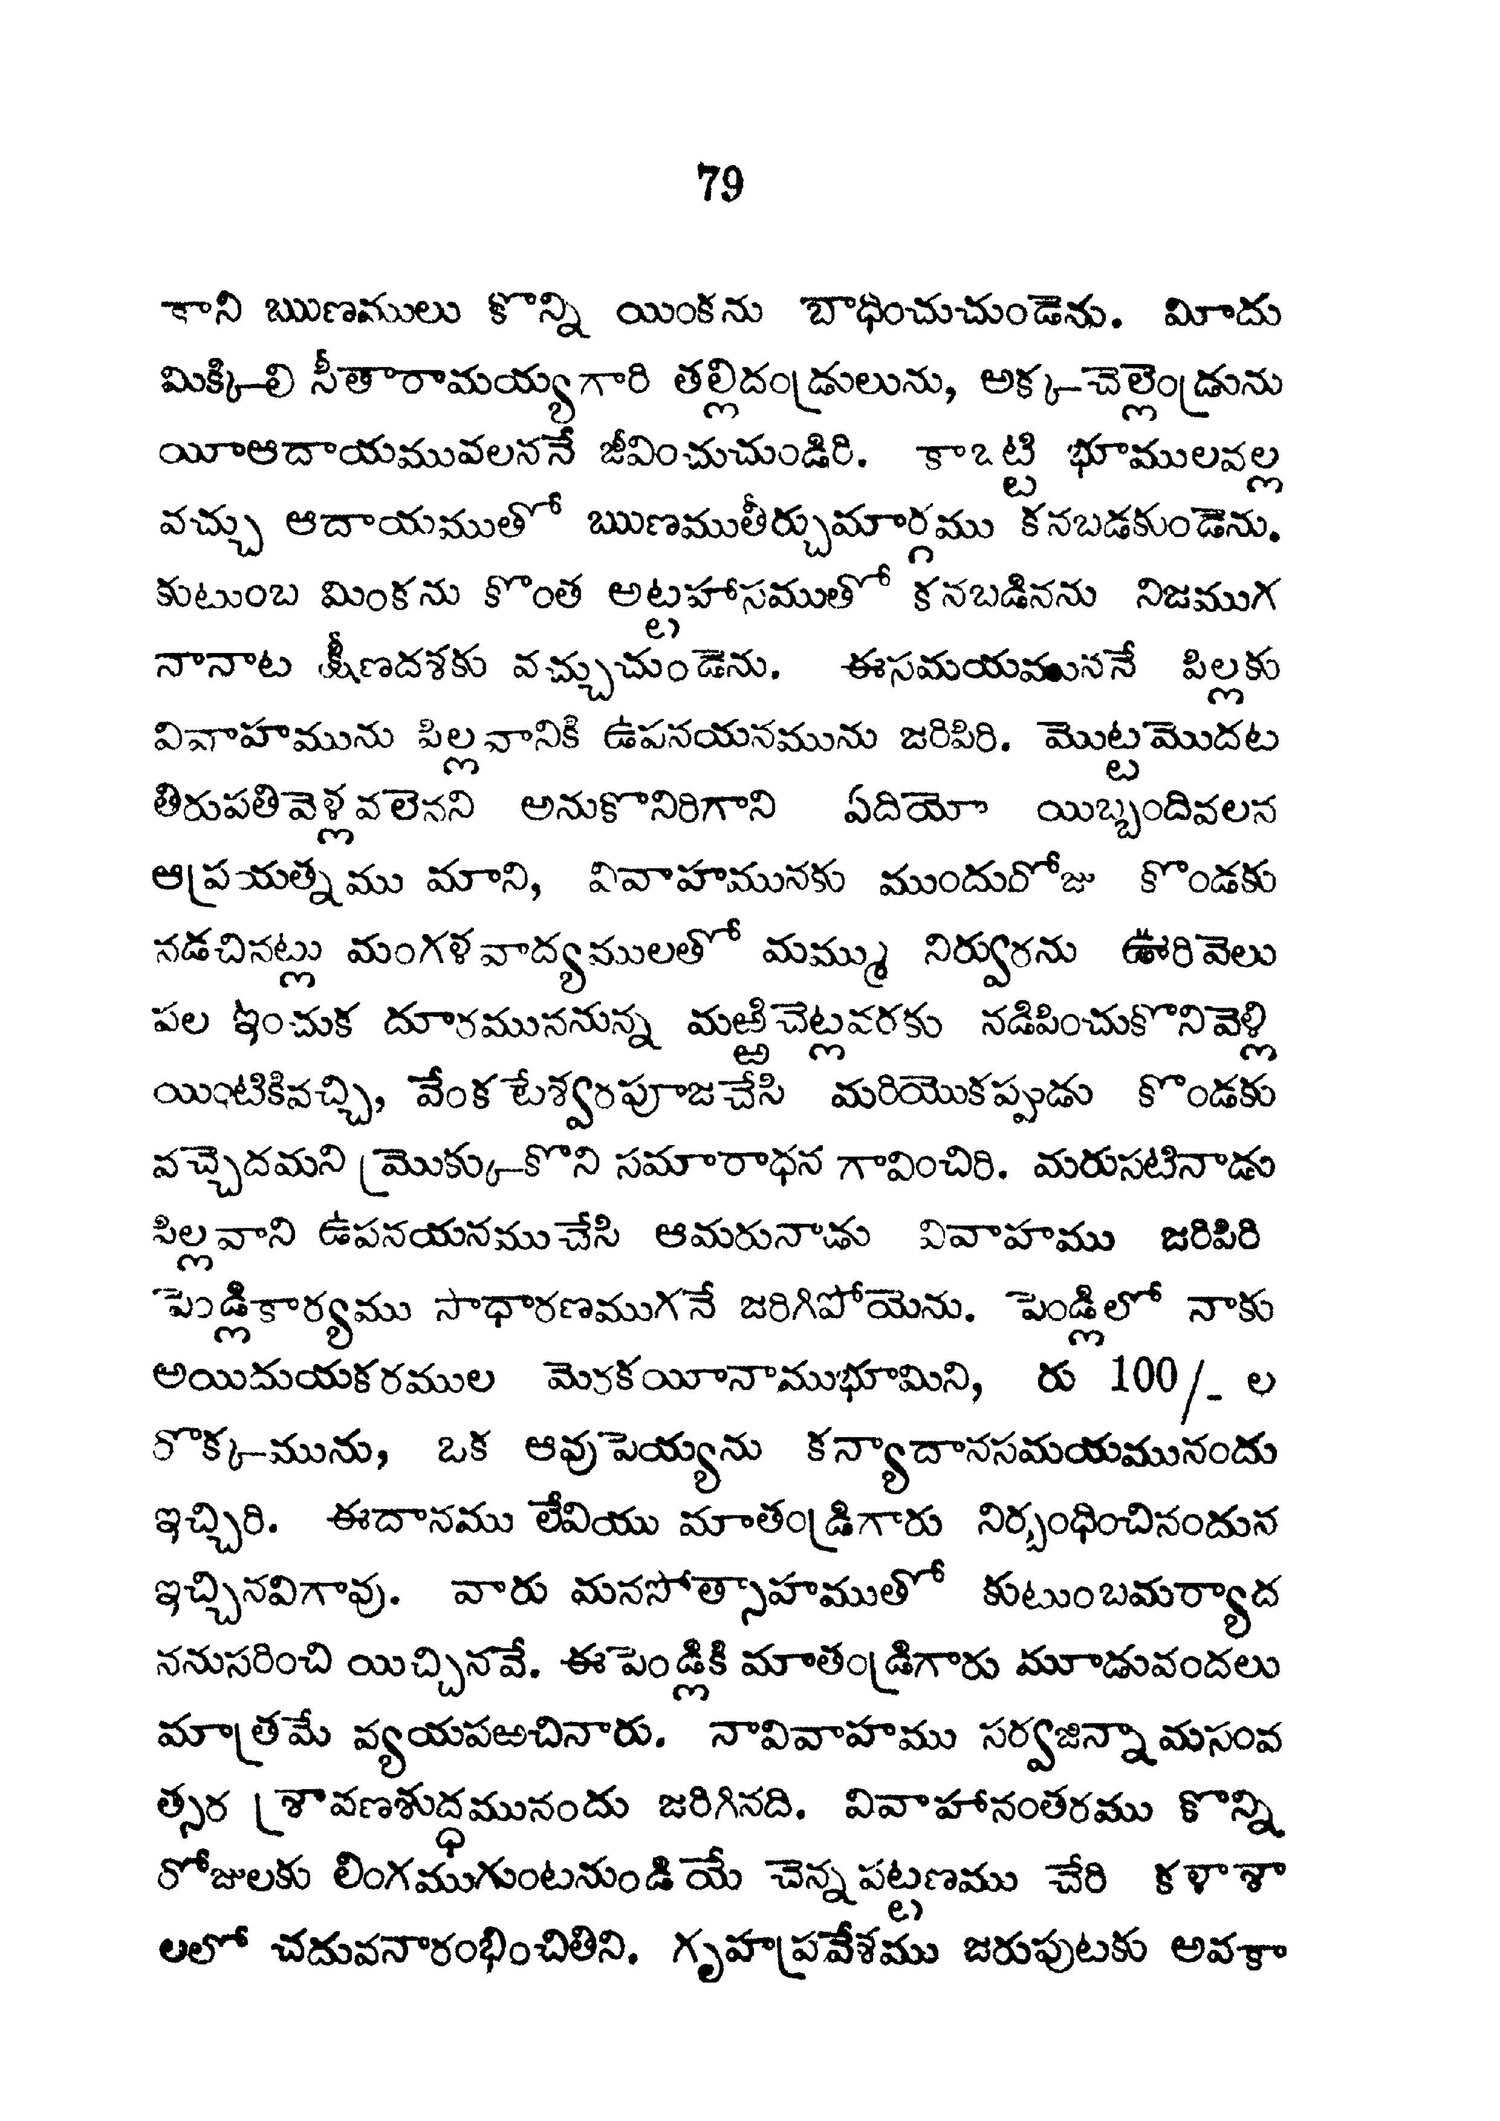కాని ఋణములు కొన్ని యింకను బాధించుచుండెను. మీదు మిక్కిలి సీతారామయ్యగారి తల్లిదండ్రులును, అక్కచెల్లెండ్రును యీఆదాయమువలననే జీవించుచుండిరి. కాబట్టి భూములవల్ల వచ్చు ఆదాయముతో ఋణముతీర్చుమార్గము కనబడకుండెను. కుటుంబ మింకను కొంత అట్టహాసముతో కనబడినను నిజముగ నానాట క్షీణదశకు వచ్చుచుండెను. ఈసమయముననే పిల్లకు వివాహమును పిల్లవానికి ఉపనయనమును జరిపిరి. మొట్టమొదట తిరుపతివెళ్లవలెనని అనుకొనిరిగాని ఏదియో యిబ్బందివలన ఆప్రయత్నము మాని, వివాహమునకు ముందురోజు కొండకు నడచినట్లు మంగళవాద్యములతో మమ్ము నిర్వురను ఊరివెలుపల ఇంచుక దూరముననున్న మఱ్ఱిచెట్లవరకు నడిపించుకొనివెళ్లి యింటికివచ్చి, వెంకటేశ్వరపూజచేసి మరియొకప్పుడు కొండకు వచ్చెదమని మ్రొక్కుకొని సమారాధన గావించిరి. మరుసటినాడు పిల్లవాని ఉపనయనముచేసి ఆమరునాడు వివాహము జరిపిరి. పెండ్లికార్యము సాధారణముగనే జరిగిపోయెను. పెండ్లిలో నాకు అయిదుయకరముల మెరకయీనాముభూమిని, రు 100/- ల రొక్కమును, ఒక ఆవుపెయ్యను కన్యాదానసమయమునందు ఇచ్చిరి. ఈదానము లేవియు మాతండ్రిగారు నిర్బంధించినందున ఇచ్చినవిగావు. వారు మనసోత్సాహముతో కుటుంబమర్యాద ననుసరించి యిచ్చినవే. ఈపెండ్లికి మాతండ్రిగారు మూడువందలు మాత్రమే వ్యయపఱచినారు. నావివాహము సర్వజిన్నామసంవత్సర శ్రావణశుద్ధమునందు జరిగినది. వివాహానంతరము కొన్ని రోజులకు లింగముగుంటనుండియే చెన్నపట్టణము చేరి కళాశాలలో చదువనారంభించితిని. గృహప్రవేశము జరుపుటకు అవకా